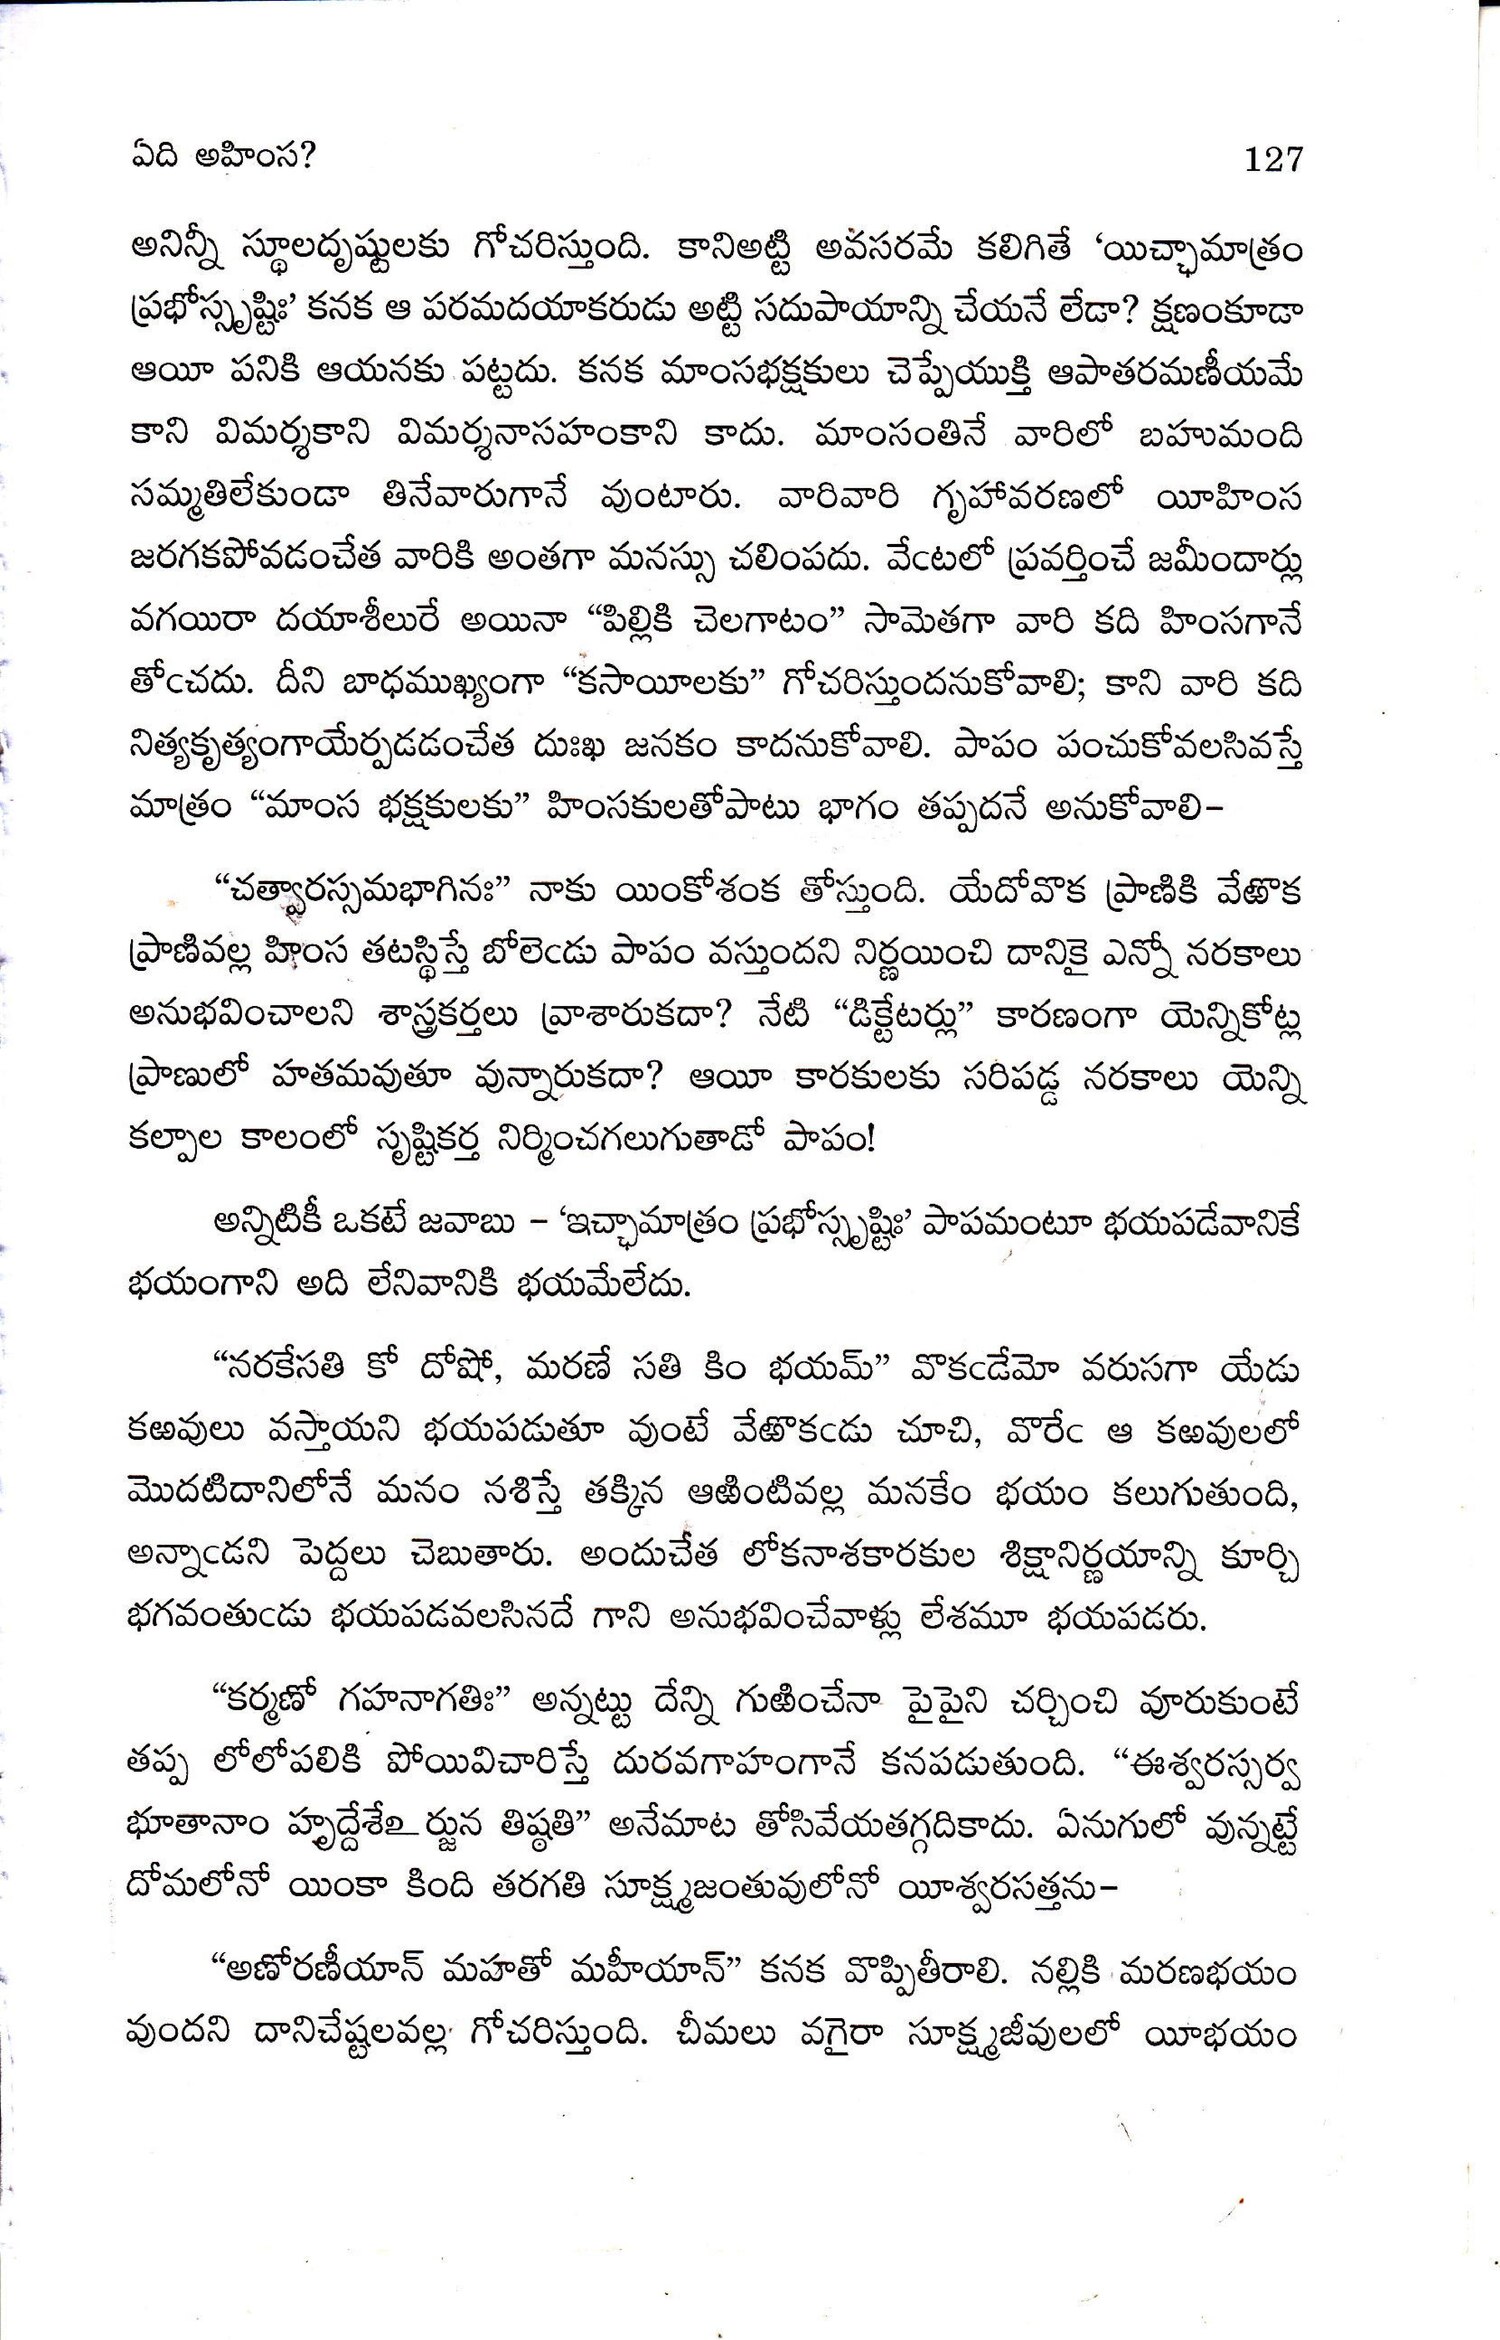అనిన్నీ స్థూలదృష్టులకు గోచరిస్తుంది. కానిఅట్టి అవసరమే కలిగితే 'యిచ్చామాత్రం ప్రభోస్సృష్టిః' కనక ఆ పరమదయాకరుడు అట్టి సదుపాయాన్ని చేయనే లేడా? క్షణంకూడా ఆయీ పనికి ఆయనకు పట్టదు. కనక మాంసభక్షకులు చెప్పేయుక్తి ఆపాతరమణీయమే కాని విమర్శకాని విమర్శనాసహంకాని కాదు. మాంసంతినే వారిలో బహుమంది సమ్మతిలేకుండా తినేవారుగానే వుంటారు. వారివారి గృహావరణలో యీహింస జరగకపోవడంచేత వారికి అంతగా మనస్సు చలింపదు. వేఁటలో ప్రవర్తించే జమీందార్లు వగయిరా దయాశీలురే అయినా “పిల్లికి చెలగాటం" సామెతగా వారి కది హింసగానే తోcచదు. దీని బాధముఖ్యంగా "కసాయీలకు" గోచరిస్తుందనుకోవాలి; కాని వారి కది నిత్యకృత్యంగా యేర్పడడంచేత దుఃఖ జనకం కాదనుకోవాలి. పాపం పంచుకోవలసివస్తే మాత్రం “మాంస భక్షకులకు" హింసకులతోపాటు భాగం తప్పదనే అనుకోవాలి

"చత్వారస్సమభాగినః" నాకు యింకోశంక తోస్తుంది. యేదోవొక ప్రాణికి వేఱొక ప్రాణివల్ల హింస తటస్థిస్తే బోలెఁడు పాపం వస్తుందని నిర్ణయించి దానికై ఎన్నో నరకాలు అనుభవించాలని శాస్త్రకర్తలు వ్రాశారుకదా? నేటి “డిక్టేటర్లు" కారణంగా యెన్నికోట్ల ప్రాణులో హతమవుతూ వున్నారుకదా? ఆయీ కారకులకు సరిపడ్డ నరకాలు యెన్ని కల్పాల కాలంలో సృష్టికర్త నిర్మించగలుగుతాడో పాపం!

అన్నిటికీ ఒకటే జవాబు - 'ఇచ్ఛామాత్రం ప్రభోసృష్టిః' పాపమంటూ భయపడేవానికే భయంగాని అది లేనివానికి భయమేలేదు. -

“నరకేసతి కో దోషో, మరణే సతి కిం భయమ్" వొకఁడేమో వరుసగా యేడు కఱవులు వస్తాయని భయపడుతూ వుంటే వేఱొకఁడు చూచి, వొరేఁ ఆ కఱవులలో మొదటిదానిలోనే మనం నశిస్తే తక్కిన ఆఱింటివల్ల మనకేం భయం కలుగుతుంది, అన్నాఁడని పెద్దలు చెబుతారు. అందుచేత లోకనాశకారకుల శిక్షానిర్ణయాన్ని కూర్చి భగవంతుఁడు భయపడవలసినదే గాని అనుభవించేవాళ్లు లేశమూ భయపడరు.

"కర్మణో గహనాగతిః" అన్నట్టు దేన్ని గుఱించేనా పైపైని చర్చించి వూరుకుంటే తప్ప లోలోపలికి పోయివిచారిస్తే దురవగాహంగానే కనపడుతుంది. “ఈశ్వరస్సర్వ భూతానాం హృద్దేశే౽ర్జున తిష్ఠతి" అనేమాట తోసివేయతగ్గదికాదు. ఏనుగులో వున్నట్టే దోమలోనో యింకా కింది తరగతి సూక్ష్మజంతువులోనో యీశ్వరసత్తను-

"అణోరణీయాన్ మహతో మహీయాన్" కనక వొప్పితీరాలి. నల్లికి మరణభయం వుందని దానిచేష్టలవల్ల గోచరిస్తుంది. చీమలు వగైరా సూక్ష్మజీవులలో యీభయం